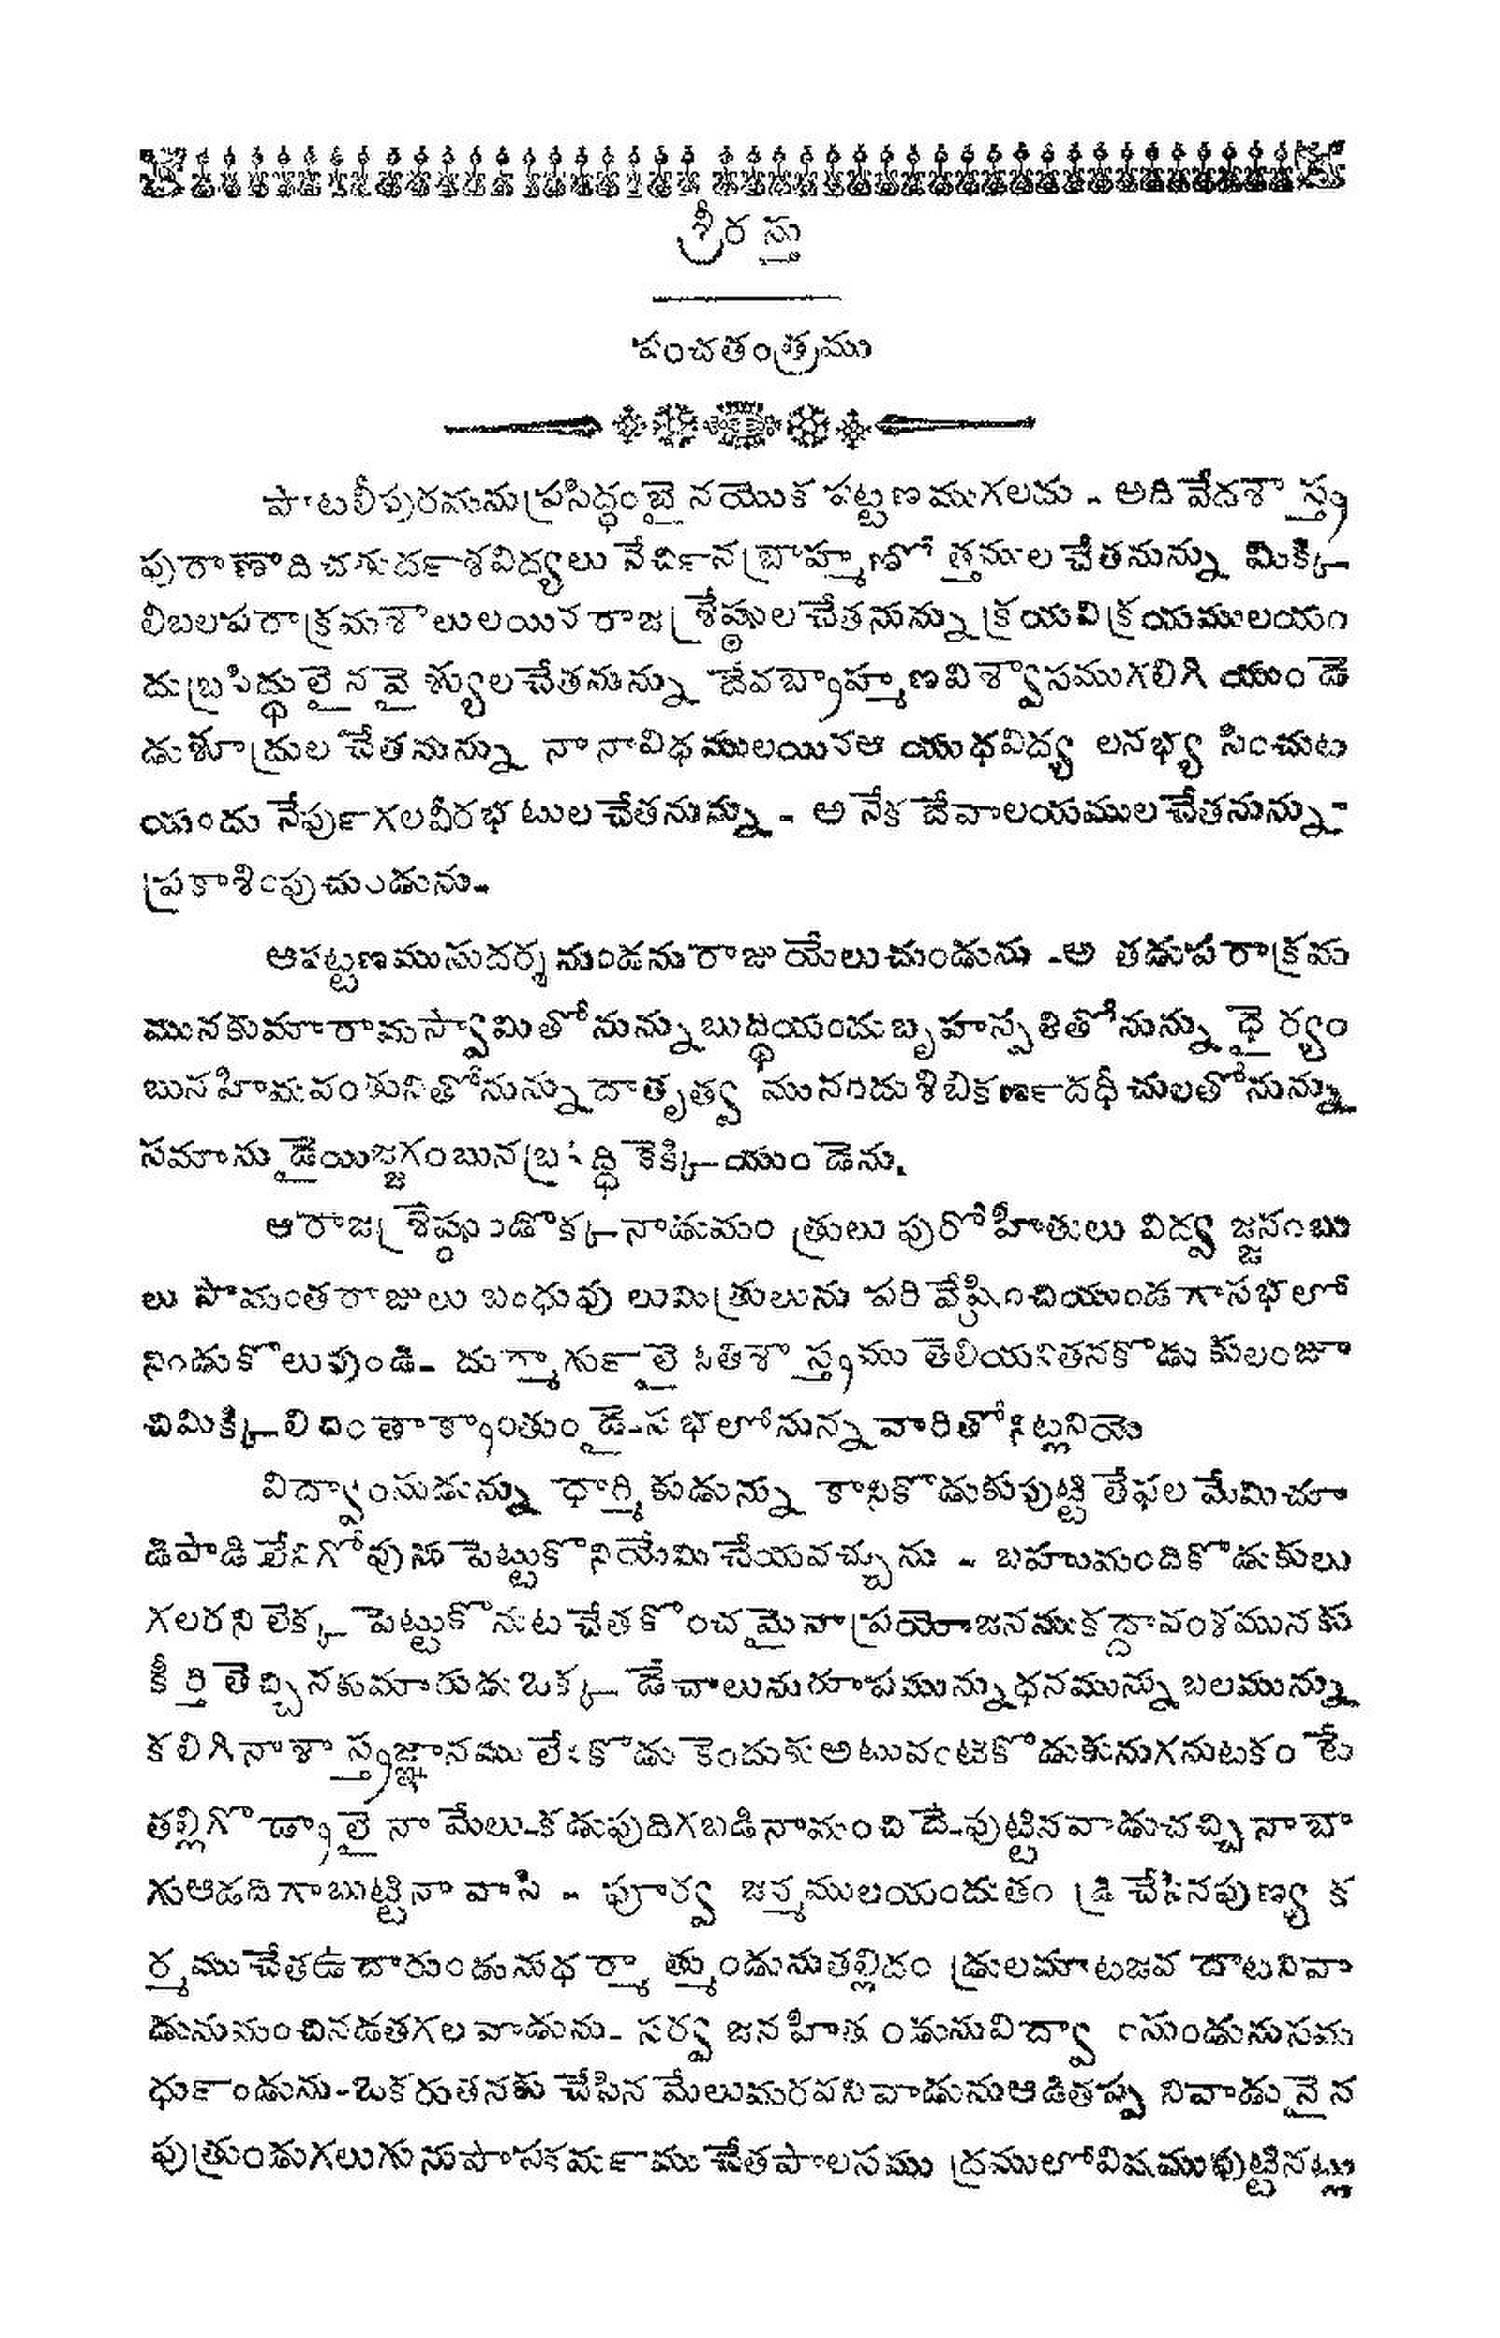పంచతంత్రము

పాటలీపురమను ప్రసిద్ధంబైన యొక పట్టణముగలదు . అది వేదశాస్త్రపురాణాది చతుర్దశవిద్యలు నేర్చిన బ్రాహ్మణోత్తములచేతనున్ను మిక్కిలిబలపరాక్రమశాలులయిన రాజశ్రేష్ఠులచేతనున్ను క్రయవిక్రయములయందు బ్రసిద్ధులైన వైశ్యులచేతనున్ను దేవబ్రాహ్మణవిశ్వాసము గలిగియుండెడు శూద్రులచేతనున్ను నానావిధములయిన ఆయుధవిద్యల నభ్యసించుటయందు నేర్పు గల వీరభటులచేతనున్ను అనేకదేవాలయములచేతనున్ను ప్రకాశింపుచుండును.

ఆపట్టణము సుదర్శనుండను రాజు యేలుచుండును. అతడు పరాక్రమమున కుమారామస్వామితోనున్ను బుద్ధియందు బృహస్పతితోనున్ను ధైర్యంబున హిమవంతునితోనున్ను దాతృత్వమునందు శిబికర్ణదధీచులతోనున్ను సమానుడై యిజ్జగంబున బ్రసిద్ధి కెక్కి యుండెను.

ఆరాజశ్రేష్ఠు డొక్కనాడు మంత్రులు పురోహితులు విద్వజ్జనంబులు సామంతరాజులు బంధువులు మిత్రులును పరివేష్టించియుండగా సభలో నిండుకొలువుండి దుర్మార్గులై నీతిశాస్త్రము తెలియని తన కొడుకులం జూచి మిక్కిలి చింతాక్రాంతుండై సభలోనున్నవారితో నిట్లనియె.

విద్వాంసుడున్ను ధార్మికుడున్ను కానికొడుకు పుట్టితే ఫల మేమి చూడిపాడి లేనిగోవును పెట్టుకొని యేమి చేయవచ్చును. బహుమంది కొడుకులు గలరని లెక్కపెట్టుకొనుటచేత కొంచమైనా ప్రయోజనము కద్దా. వంశమునకు కీర్తి తెచ్చినకుమారుడు ఒక్కడే చాలును రూపమున్ను ధనమున్ను బలమున్ను కలిగినా శాస్త్రజ్ఞానము లేని కొడు కెందుకు. అటువంటికొడుకును గనుటకంటే తల్లి గొడ్రాలైనా మేలు. కడుపు దిగబడినా మంచిదే. పుట్టినవాడు చచ్చినా బాగు. ఆడదిగా బుట్టినా వాసి. పూర్వజన్మములయందు తండ్రి చేసినపుణ్యకర్మముచేత ఉదారుండును ధర్మాత్ముండును తల్లిదండ్రులమాట జవదాటనివాడును మంచినడతగలవాడును సర్వజనహితుండును విద్వాంసుండును సమర్థుండును ఒకరు తనకు చేసినమేలు మరవనివాడును ఆడితప్పనివాడు నైనపుత్రుండు గలుగు నుపాసకర్మముచేత పాలసముద్రములో విషము పుట్టినట్లు